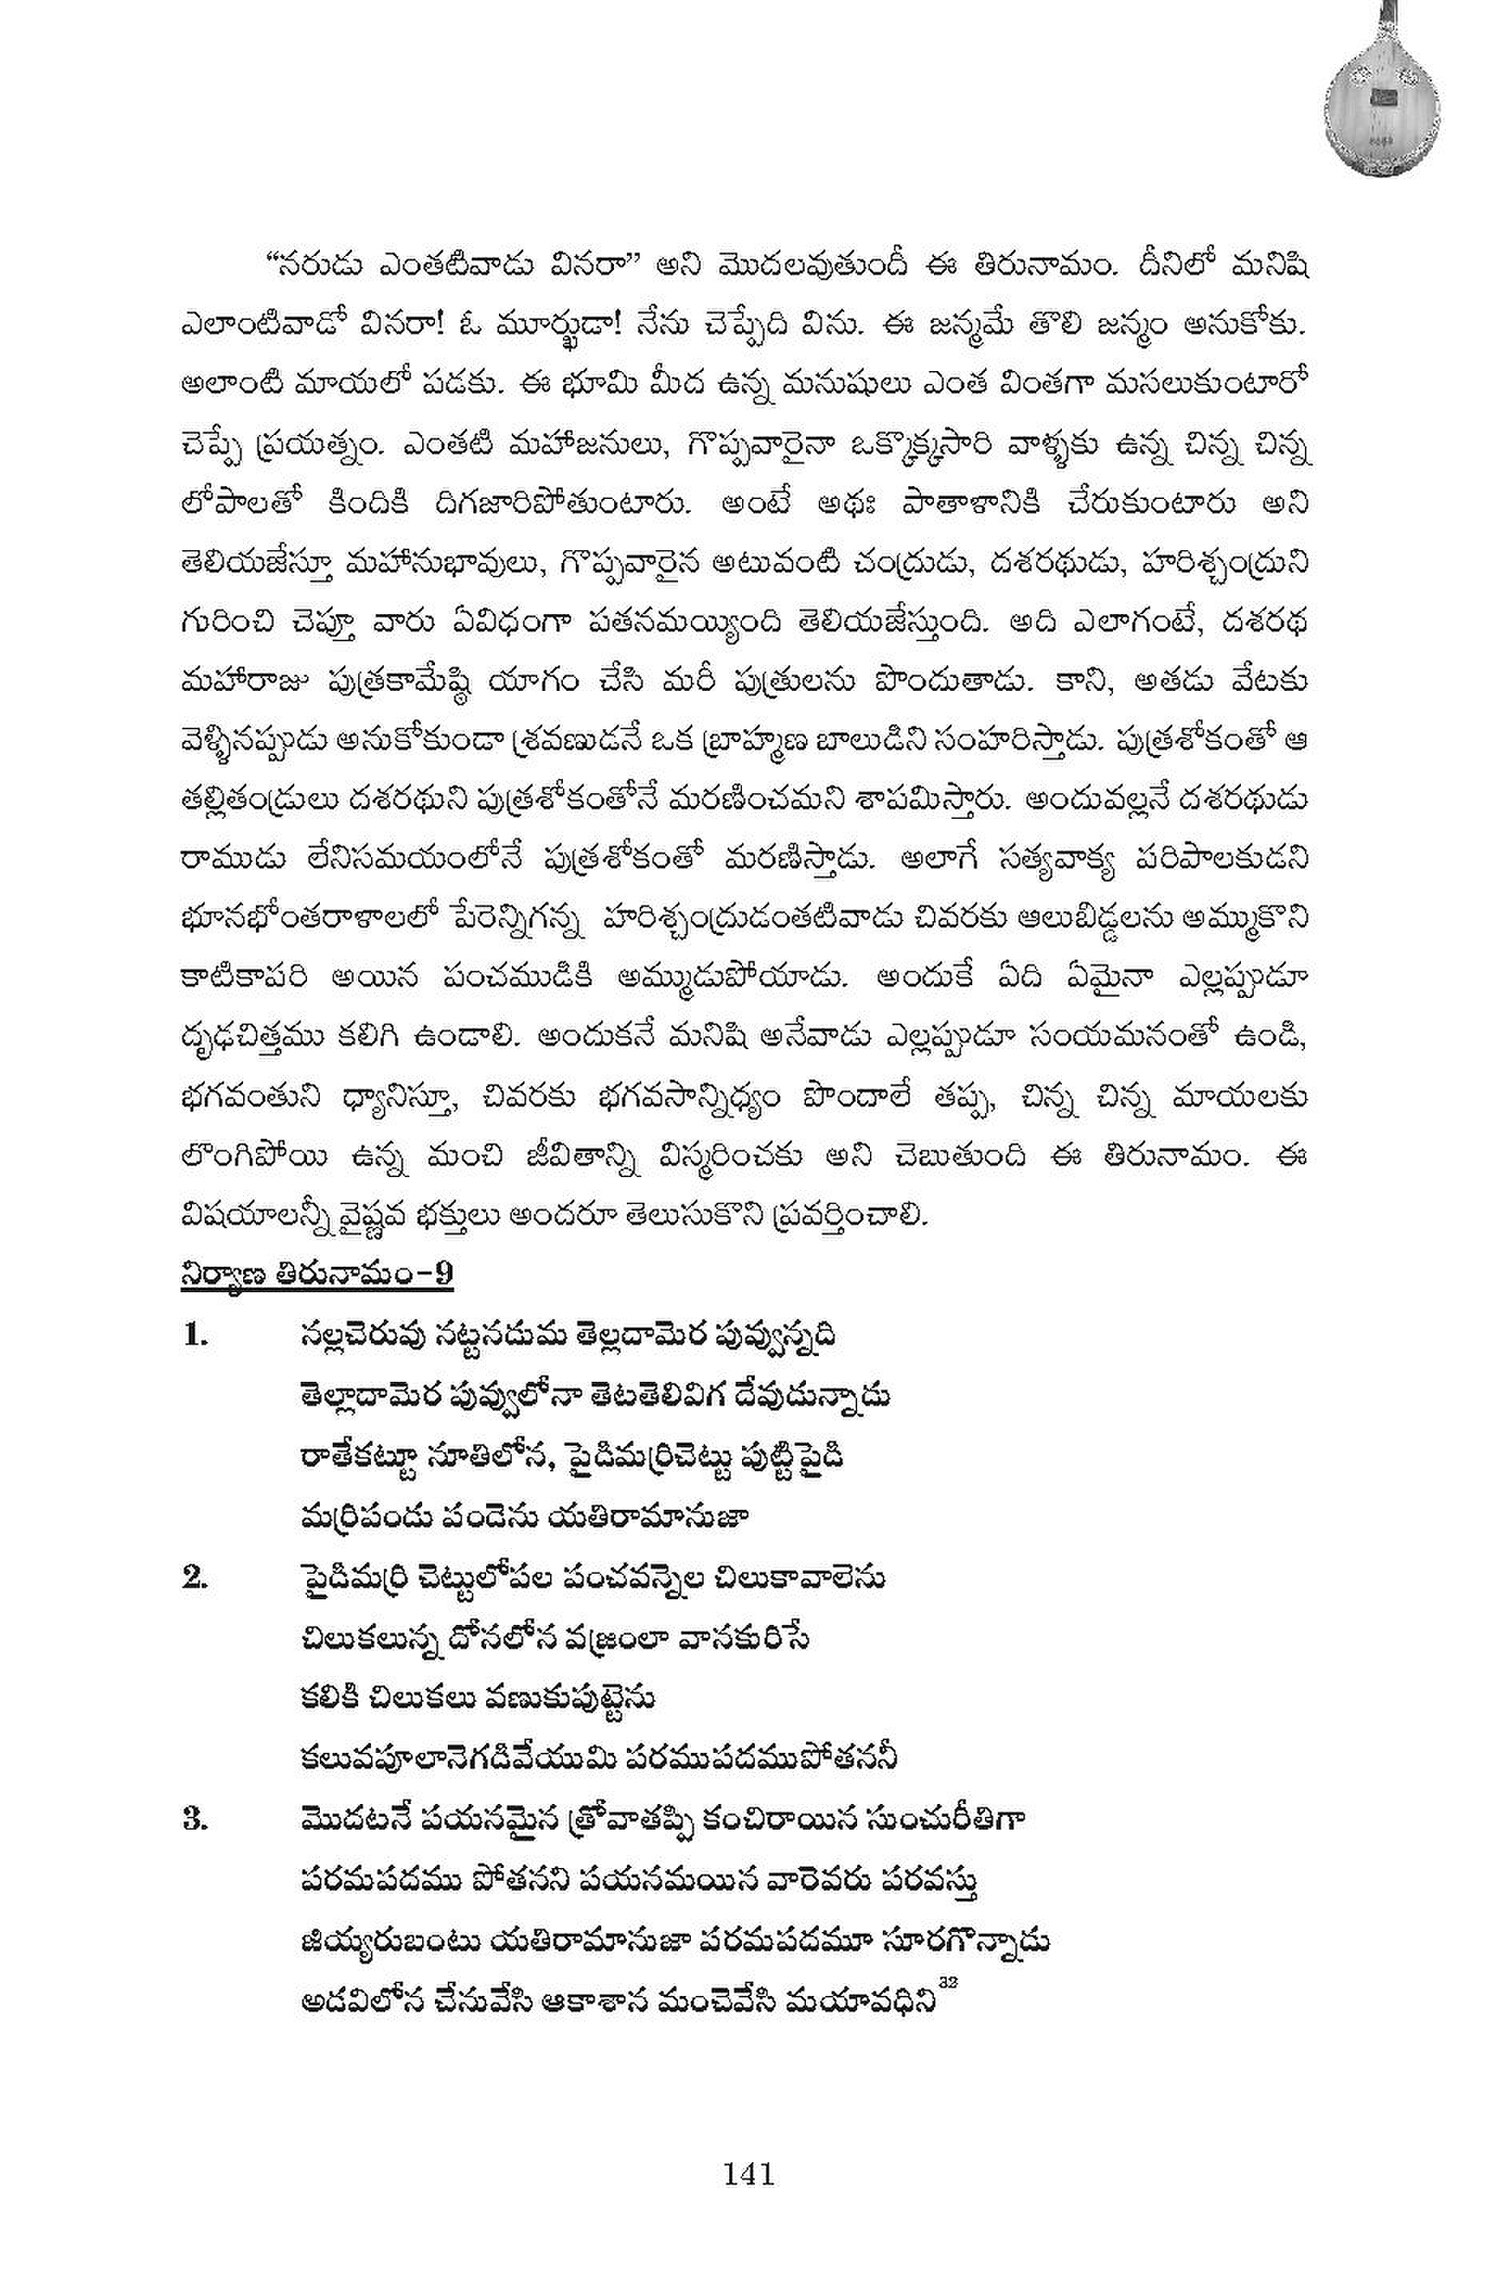“నరుడు ఎంతటివాడు వినరా” అని మొదలవుతుందీ ఈ తిరునామం. దీనిలో మనిషి ఎలాంటివాడో వినరా! ఓ మూర్ఖుడా! నేను చెప్పేది విను. ఈ జన్మమే తొలి జన్మం అనుకోకు. అలాంటి మాయలో పడకు. ఈ భూమి మీద ఉన్న మనుషులు ఎంత వింతగా మసలుకుంటారో చెప్పే ప్రయత్నం. ఎంతటి మహాజనులు, గొప్పవారైనా ఒక్కొక్కసారి వాళ్ళకు ఉన్న చిన్న చిన్న లోపాలతో కిందికి దిగజారిపోతుంటారు. అంటే అథః పాతాళానికి చేరుకుంటారు అని తెలియజేస్తూ మహానుభావులు, గొప్పవారైన అటువంటి చంద్రుడు, దశరథుడు, హరిశ్చంద్రుని గురించి చెప్తూ వారు ఏవిధంగా పతనమయ్యింది తెలియజేస్తుంది. అది ఎలాగంటే, దశరథ మహారాజు పుత్రకామేష్టి యాగం చేసి మరీ పుత్రులను పొందుతాడు. కాని, అతడు వేటకు వెళ్ళినప్పుడు అనుకోకుండా శ్రవణుడనే ఒక బ్రాహ్మణ బాలుడిని సంహరిస్తాడు. పుత్రశోకంతో ఆ తల్లితండ్రులు దశరథుని పుత్రశోకంతోనే మరణించమని శాపమిస్తారు. అందువల్లనే దశరథుడు రాముడు లేనిసమయంలోనే పుత్రశోకంతో మరణిస్తాడు. అలాగే సత్యవాక్య పరిపాలకుడని భూనభోంతరాళాలలో పేరెన్నిగన్న హరిశ్చంద్రుడంతటివాడు చివరకు ఆలుబిడ్డలను అమ్ముకొని కాటికాపరి అయిన పంచముడికి అమ్ముడుపోయాడు. అందుకే ఏది ఏమైనా ఎల్లప్పుడూ
దృఢచిత్తము కలిగి ఉండాలి. అందుకనే మనిషి అనేవాడు ఎల్లప్పుడూ సంయమనంతో ఉండి, భగవంతుని ధ్యానిస్తూ, చివరకు భగవసాన్నిధ్యం పొందాలే తప్ప, చిన్న చిన్న మాయలకు లొంగిపోయి ఉన్న మంచి జీవితాన్ని విస్మరించకు అని చెబుతుంది ఈ తిరునామం. ఈ విషయాలన్నీ వైష్ణవ భక్తులు అందరూ తెలుసుకొని ప్రవర్తించాలి.

నిర్వాణ తిరునామం-9

1. నల్లచెరువు నట్టనడుమ తెల్లదామెర పువ్వున్నది
తెల్లాదామెర పువ్వులోనా తేటతెలివిగ దేవుడున్నాడు.
రాతేకట్టూ నూతిలోన, పైడిమర్రిచెట్టు పుట్టిపైడి
మర్రిపండు పండెను యతిరామానుజా

2. పైడిమర్రి చెట్టులోపల పంచవన్నెల చిలుకావాలెను
చిలుకలున్న దోనలోన వజ్రంలా వానకురిసే
కలికి చిలుకలు వణుకుపుట్టెను
కలువపూలానెగడివేయుమి పరముపదముపోతననీ

3.మొదటనే పయనమైన త్రోవాతప్పి కంచిరాయిన సుంచురీతిగా
పరమపదము పోతనని పయనమయిన వారెవరు పరవస్తు
జియ్యరుబంటు యతిరామానుజా పరమపదమూ సూరగొన్నాడు
అడవిలోన చేనువేసి ఆకాశాన మంచెవేసి మయావధిని32